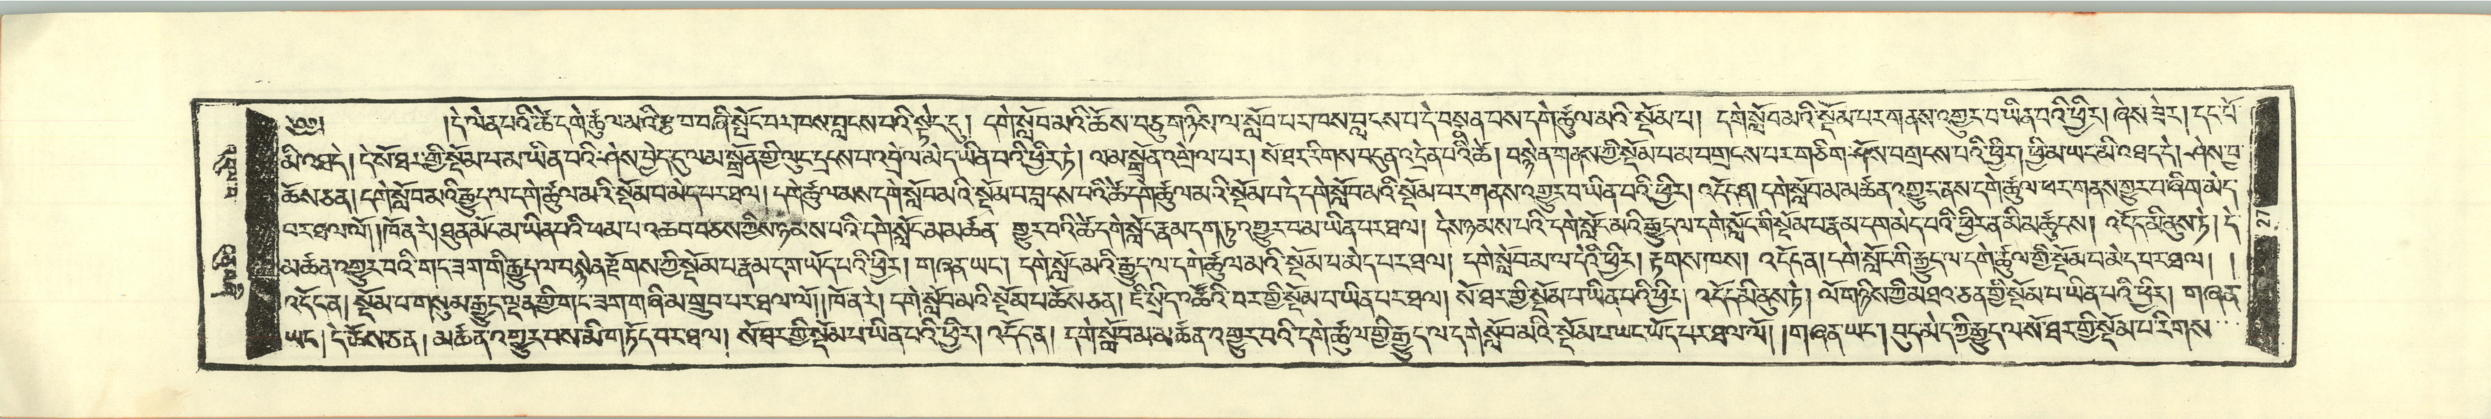༄༅། །དེ་ལེན་པའི་ཚེ་དགེ་ཚུལ་མའི་རྩ་བ་བཞི་སྤོང་བར་ཁས་བླངས་པའི་སྟེང་དུ། དགེ་སློབ་མའི་ཆོས་བཅུ་གཉིས་ལ་སློབ་པར་ཁས་བླངས་པ་དེ་བསྣན་པས་དགེ་ཚུལ་མའི་སྡོམ་པ། དགེ་སློབ་མའི་སྡོམ་པར་གནས་འགྱུར་བ་ཡིན་པའི་ཕྱིར། ཞེས་ཟེར། དང་པོ་
མི་འཐད་དེ། དེ་སོ་ཐར་གྱི་སྡོམ་པ་མ་ཡིན་པའི་ཤེས་བྱེད་དུ་ལམ་སྒྲོན་གྱི་ལུང་དྲངས་པ་འབྲེལ་མེད་ཡིན་པའི་ཕྱིར་ཏེ། ལམ་སྒྲོན་འགྲེལ་པར། སོ་ཐར་རིགས་བདུན་འདྲེན་པའི་ཚེ། བསྙེན་གནས་ཀྱི་སྡོམ་པ་མ་བ་བགྲངས་པར་གཅིག་ཤོས་བགྲངས་པའི་ཕྱིར། ཕྱི་མ་ཡང་མི་འཐད་དེ། ཤེས་བྱ་
ཆོས་ཅན། དགེ་སློབ་མའི་རྒྱུད་ལ་དགེ་ཚུལ་མའི་སྡོམ་པ་མེད་པར་ཐལ། དགེ་ཚུལ་མས་དགེ་སློབ་མའི་སྡོམ་པ་བླངས་པའི་ཚེ་དགེ་ཚུལ་མའི་སྡོམ་པ་དེ་དགེ་སློབ་མའི་སྡོམ་པར་གནས་འགྱུར་བ་ཡིན་པའི་ཕྱིར། འདོད་ན། དགེ་སློབ་མ་མཚན་འགྱུར་ནས་དགེ་ཚུལ་ཕར་གནས་གྱུར་བ་ཞིག་མེད་
པར་ཐལ་ལོ། །ཁོ་ན་རེ། ཐུན་མོང་མ་ཡིན་པའི་ཕམ་པ་འཆབ་བཅས་ཀྱིས་ཉམས་པའི་དགེ་སློང་མ་མཚན་གྱུར་བའི་ཚེ་དགེ་སློང་རྣམ་དག་ཏུ་འགྱུར་བ་མ་ཡིན་པར་ཐལ། དེས་ཉམས་པའི་དགེ་སློང་མའི་རྒྱུད་ལ་དགེ་སློང་གི་སྡོམ་པ་རྣམ་དག་མེད་པའི་ཕྱིར་ན་མི་མཚུངས། འདོད་མི་ནུས་ཏེ། དེ་
མཚན་འགྱུར་བའི་གང་ཟག་གི་རྒྱུད་ལ་བསྙེན་རྫོགས་ཀྱི་སྡོམ་པ་རྣམ་དག་ཡོད་པའི་ཕྱིར། གཞན་ཡང་། དགེ་སློང་མའི་རྒྱུད་ལ་དགེ་ཚུལ་མའི་སྡོམ་པ་མེད་པར་ཐལ། དགེ་སློབ་མ་ལ་དེའི་ཕྱིར། རྟགས་ཁས། འདོད་ན། དགེ་སློང་གི་རྒྱུད་ལ་དགེ་ཚུལ་གྱི་སྡོམ་པ་མེད་པར་ཐལ། །
འདོད་ན། སྡོམ་པ་གསུམ་རྒྱུད་ལྡན་གྱི་གང་ཟག་གཞི་མ་གྲུབ་པར་ཐལ་ལོ། །ཁོ་ན་རེ། དགེ་སློབ་མའི་སྡོམ་པ་ཆོས་ཅན། ཇི་སྲིད་འཚོའི་བར་གྱི་སྡོམ་པ་ཡིན་པར་ཐལ། སོ་ཐར་གྱི་སྡོམ་པ་ཡིན་པའི་ཕྱིར། འདོད་མི་ནུས་ཏེ། ལོ་གཉིས་ཀྱི་མཐའ་ཅན་གྱི་སྡོམ་པ་ཡིན་པའི་ཕྱིར། གཞན་ཅ་
ཡང༑ དེ་ཆོས་ཅན། མཚན་འགྱུར་བས་མི་གཏོད་བར་ཐལ། སོ་ཐར་གྱི་སྡོམ་པ་ཡིན་པའི་ཕྱིར། འདོད་ན། དགེ་སློབ་མ་མཚན་འགྱུར་བའི་དགེ་ཚུལ་གྱི་རྒྱུད་ལ་དགེ་སློབ་མའི་སྡོམ་པ་ཡང་ཡོད་པར་ཐལ་ལོ། །གཞན་ཡང་། བུད་མེད་ཀྱི་རྒྱུད་ལ་སོ་ཐར་གྱི་སྡོམ་པ་རིགས་